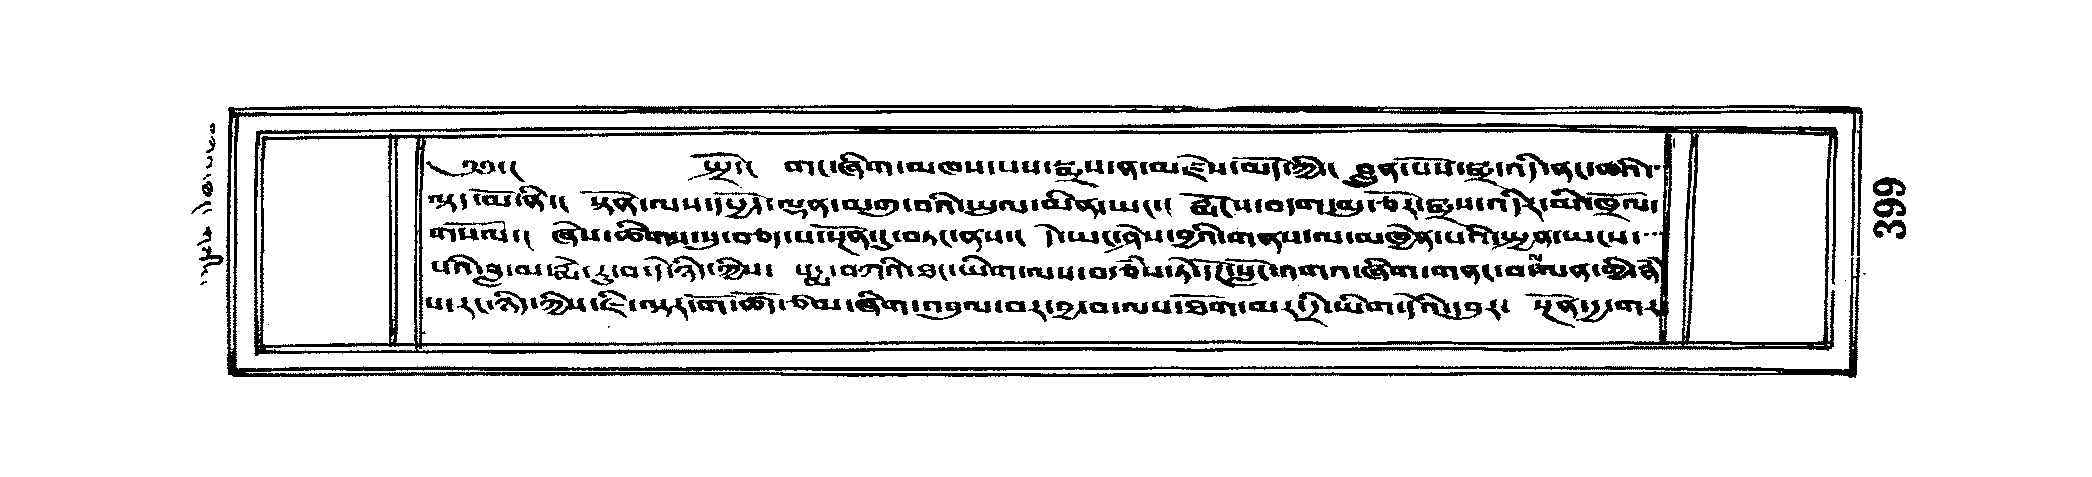སྤྲོ། །གང་ཞིག་མཁས་པས་སྨྲས་ན་མཛེས་མོད་ཀྱི། །བླུན་པོས་སྨྲ་འདི་ནང་ཆའི་
ལྟད་མོ་ནི། །སྟོན་ལས་དཔྱོད་ལྡན་མགུ་བའི་ཡུལ་མིན་ཡང་། །རྨོངས་བདག་མུ་ཅོར་སྨྲས་འདིར་མི་ཁྲེལ་
གསོལ། ཞེས་ཚིགས་སུ་བཅད་པ་སྔོན་དུ་བཏང་ནས། དེ་ཡང་ཤེས་བྱའི་གནས་ལ་མཁྱེན་པའི་སྤྱན་ཡངས་
པའི་བླ་མ་རྨེ་རུ་བ་དེ་ཉིད་ཀྱིས། པདྨ་བཀའ་ཡི་ཐང་ཡིག་ལས་བརྩམས་ཏེ་དོགས་སློང་འགའ་ཞིག་གནང་བ་ལ་ལན་གྱི་རྣམ་
པ་རང་ཉིད་ཀྱིས་ཇི་ལྟར་གོ་ཚོད་ཙམ་ཞིག་འབུལ་བར་བྱ་བ་ལས་ཐོག་མར་དྲི་ཡིག་དེའི་དབུར། སྔོན་རྒྱ་གར་